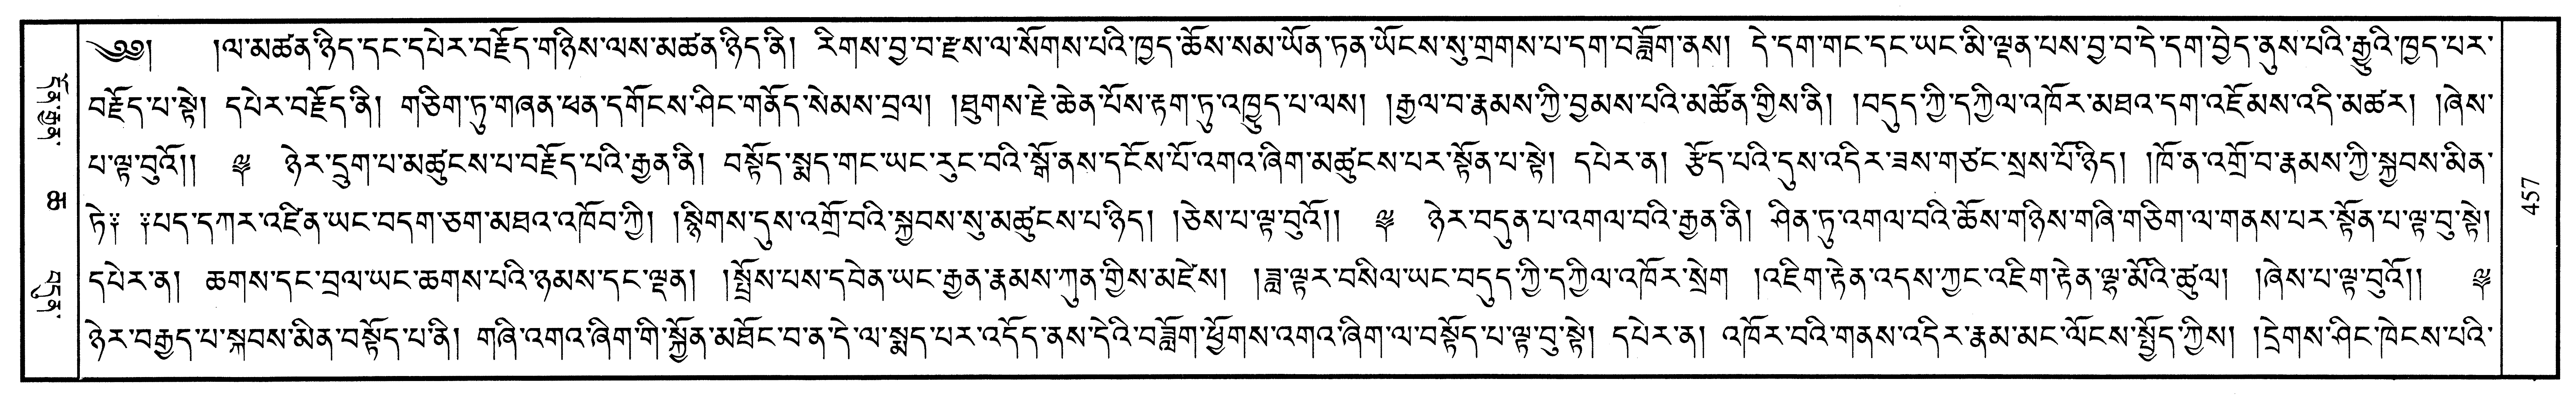༄༅། །ལ་མཚན་ཉིད་དང་དཔེར་བརྗོད་གཉིས་ལས་མཚན་ཉིད་ནི། རིགས་བྱ་བ་རྫས་ལ་སོགས་པའི་ཁྱད་ཆོས་སམ་ཡོན་ཏན་ཡོངས་སུ་གྲགས་པ་དག་བཟློག་ནས། དེ་དག་གང་དང་ཡང་མི་ལྡན་པས་བྱ་བ་དེ་དག་བྱེད་ནུས་པའི་རྒྱུའི་ཁྱད་པར་
བརྗོད་པ་སྟེ། དཔེར་བརྗོད་ནི། གཅིག་ཏུ་གཞན་ཕན་དགོངས་ཤིང་གནོད་སེམས་བྲལ། །ཐུགས་རྗེ་ཆེན་པོས་རྟག་ཏུ་འཁྱུད་པ་ལས། །རྒྱལ་བ་རྣམས་ཀྱི་བྱམས་པའི་མཚོན་གྱིས་ནི། །བདུད་ཀྱི་དཀྱིལ་འཁོར་མཐའ་དག་འཇོམས་འདི་མཚར། །ཞེས་
པ་ལྟ་བུའོ།། ༈ ཉེར་དྲུག་པ་མཚུངས་པ་བརྗོད་པའི་རྒྱན་ནི། བསྟོད་སྨད་གང་ཡང་རུང་བའི་སྒོ་ནས་དངོས་པོ་འགའ་ཞིག་མཚུངས་པར་སྟོན་པ་སྟེ། དཔེར་ན། རྩོད་པའི་དུས་འདིར་ཟས་གཙང་སྲས་པོ་ཉིད། །ཁོ་ན་འགྲོ་བ་རྣམས་ཀྱི་སྐྱབས་མིན་
ཏེ༑ ༑པད་དཀར་འཛིན་ཡང་བདག་ཅག་མཐའ་འཁོབ་ཀྱི། །སྙིགས་དུས་འགྲོ་བའི་སྐྱབས་སུ་མཚུངས་པ་ཉིད། །ཅེས་པ་ལྟ་བུའོ།། ༈ ཉེར་བདུན་པ་འགལ་བའི་རྒྱན་ནི། ཤིན་ཏུ་འགལ་བའི་ཆོས་གཉིས་གཞི་གཅིག་ལ་གནས་པར་སྟོན་པ་ལྟ་བུ་སྟེ།
དཔེར་ན། ཆགས་དང་བྲལ་ཡང་ཆགས་པའི་ཉམས་དང་ལྡན། །སྤྲོས་པས་དབེན་ཡང་རྒྱན་རྣམས་ཀུན་གྱིས་མཛེས། །ཟླ་ལྟར་བསིལ་ཡང་བདུད་ཀྱི་དཀྱིལ་འཁོར་སྲེག །འཇིག་རྟེན་འདས་ཀྱང་འཇིག་རྟེན་ལྷ་མོའི་ཚུལ། །ཞེས་པ་ལྟ་བུའོ།། ༈
ཉེར་བརྒྱད་པ་སྐབས་མིན་བསྟོད་པ་ནི། གཞི་འགའ་ཞིག་གི་སྐྱོན་མཐོང་བ་ན་དེ་ལ་སྨད་པར་འདོད་ནས་དེའི་བཟློག་ཕྱོགས་འགའ་ཞིག་ལ་བསྟོད་པ་ལྟ་བུ་སྟེ། དཔེར་ན། འཁོར་བའི་གནས་འདིར་རྣམ་མང་ལོངས་སྤྱོད་ཀྱིས། །དྲེགས་ཤིང་ཁེངས་པའི་